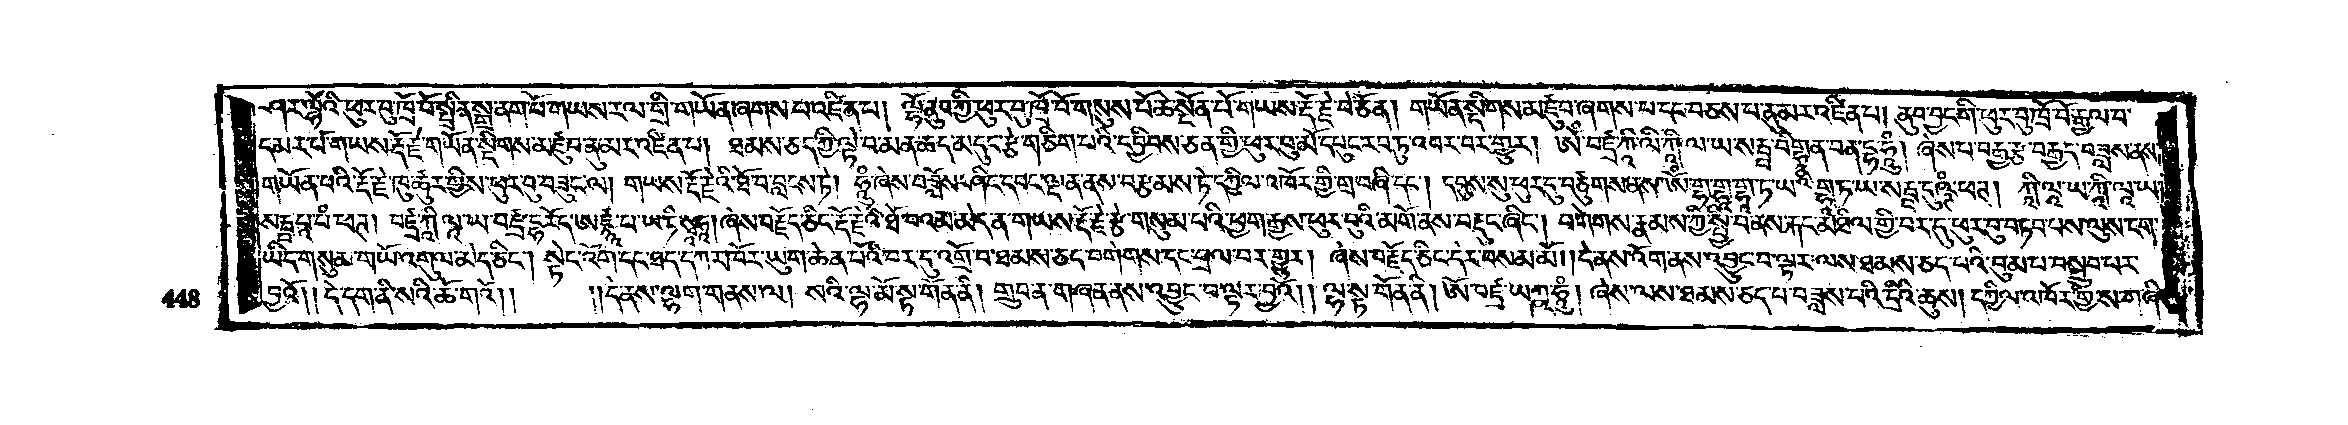ཤར་ལྷོའི་ཕུར་བུ་ཁྲོ་བོ་སྤྲིན་སྒ་ནག་པོ་གཡས་རལ་གྲི་གཡོན་ཞགས་པ་འཛིན་པ། ལྷོ་ནུབ་ཀྱི་ཕུར་བུ་ཁྲོ་བོ་གསུས་པོ་ཆེ་སྔོན་པོ་གཡས་རྡོ་རྗེ་བེ་ཅོན། གཡོན་སྡིགས་མཛུབ་ཞགས་པ་དང་བཅས་པ་ནུ་མར་འཛིན་པ། ནུབ་བྱང་གི་ཕུར་བུ་ཁྲོ་བོ་རྒྱལ་བ་
དམར་པོ་གཡས་རྡོ་རྗེ་གཡོན་སྡིགས་མཛུབ་ནུ་མར་འཛིན་པ། ཐམས་ཅད་ཀྱི་ལྟེ་བ་མན་ཆད་མདུང་རྩེ་གཅིག་པའི་དབྱིབས་ཅན་གྱི་ཕུར་བུ་མེ་དཔུང་རབ་ཏུ་འབར་བར་གྱུར། ཨོཾ་བཛྲ་ཀཱི་ལི་ཀཱི་ལཱ་ཡ་སརྦྦ་བིགྷྣཱན་བན་དྷ་ཧཱུཾ། ཞེས་པ་བརྒྱ་རྩ་བརྒྱད་བཟླས་ནས་
གཡོན་པའི་རྡོ་རྗེ་ཁུ་ཚུར་གྱིས་ཕུར་བུ་བཟུང་ལ། གཡས་རྡོ་རྗེའི་ཐོ་བ་བླངས་ཏེ། ཧཱུཾ་ཞེས་བཟློས་ཤིང་དབང་ལྡན་ནས་བརྩམས་ཏེ་དཀྱིལ་འཁོར་གྱི་གྲྭ་བཞི་དང་། དབུས་སུ་ཕུར་དུ་བཙུགས་ནས་ཨོཾ་གྷ་གྷ་གྷ་ཏ་ཡ་གྷཱ་ཏ་ཡ་སརྦྦ་དུཥྚཾ་ཕཊ། ཀཱི་ལཱ་ཡ་ཀཱི་ལཱ་ཡ་
སརྦྦ་པཱ་པཾ་ཕཊ། བཛྲ་ཀཱི་ལཱ་ཡ་བཛྲ་དྷ་རོད་ཨཛྙཱ་པ་ཡ་ཏི་སྭཱཧཱ། ཞེས་བརྗོད་ཅིང་རྡོ་རྗེའི་ཐོ་བའམ་མེད་ན་གཡས་རྡོ་རྗེ་རྩེ་གསུམ་པའི་ཕྱག་རྒྱས་ཕུར་བུའི་མགོ་ནས་བརྡུང་ཞིང་། བགེགས་རྣམས་ཀྱི་སྤྱི་བོ་ནས་རྐང་མཐིལ་གྱི་བར་དུ་ཕུར་བུ་བཏབ་པས་ལུས་ངག་
ཡིད་གསུམ་གཡོ་འགུལ་མེད་ཅིང་། སྟེང་འོག་དང་ཐད་དཀར་ཁོར་ཡུག་ཆེན་པོའི་བར་དུ་འགྲོ་བ་ཐམས་ཅད་བགེགས་དང་བྲལ་བར་གྱུར། ཞེས་བརྗོད་ཅིང་དེར་བསམ་མོ། །དེ་ནས་འོག་ནས་འབྱུང་བ་ལྟར་ལས་ཐམས་ཅད་པའི་བུམ་པ་བསྒྲུབ་པར་
བྱའོ། །དེ་དག་ནི་སའི་ཆོ་གའོ།། །།དེ་ནས་ལྷག་གནས་ལ། སའི་ལྷ་མོ་སྟ་གོན་ནི། གྲུབ་ན་གཞན་ནས་འབྱུང་བ་ལྟར་བྱའོ། །ལྷ་སྟ་གོན་ནི། ཨོཾ་བཛྲ་ཡཀྵ་ཧཱུཾ། ཞེས་ལས་ཐམས་ཅད་པ་བཟླས་པའི་དྲིའི་ཆུས། དཀྱིལ་འཁོར་གྱི་ས་གཞི་